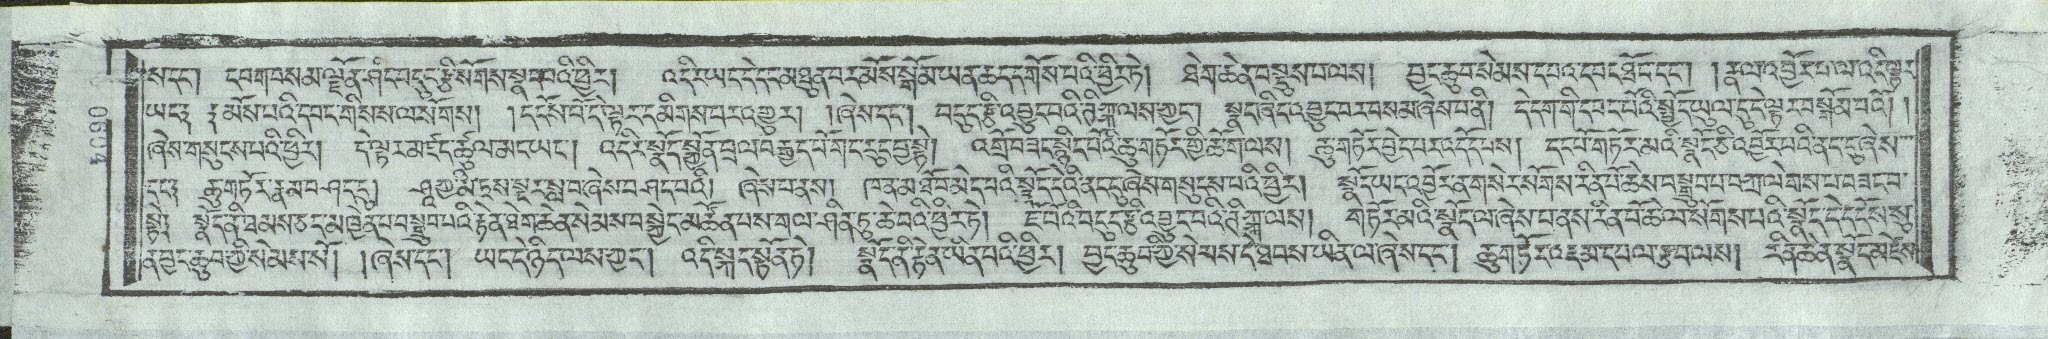ས་དང་། དཔག་བསམ་ལྗོན་ཤིང་བདུད་རྩི་སོགས་སྣང་བའི་ཕྱིར། འདིར་ཡང་དེ་དང་མཐུན་པར་མོས་སྒོམ་ཡན་ཆད་དགོས་པའི་ཕྱིར་ཏེ། ཐེག་ཆེན་བསྡུས་པ་ལས། བྱང་ཆུབ་སེམས་དཔའ་དབང་ཐོབ་དང་། །རྣལ་འབྱོར་པ་ལ་འདི་ལྟར་
ཡང༑ ༑མོས་པའི་དབང་གིས་ས་ལ་སོགས། །དངོས་བོ་དེ་ལྟར་དམིགས་པར་འགྱུར། །ཞེས་དང་། བདུད་རྩི་འབྱུང་བའི་ཊིཀྐ་ལས་ཀྱང་། སྣང་ཞིང་འབྱུང་བར་བསམ་ཞེས་པ་ནི། དེ་དག་གི་དབང་པོའི་སྤྱོད་ཡུལ་དུ་དེ་ལྟར་བསྒོམ་པའོ། །
ཞེས་གསུངས་པའི་ཕྱིར། དེ་ལྟར་མཛད་ཚུལ་མང་ཡང་། འདིར་སྣོད་སྐྱོན་བྲལ་བརྒྱད་པོ་གང་རུང་བྱ་སྟེ། འགྲོ་བཟང་སྙིང་པོའི་ཆུ་གཏོར་གྱི་ཆོ་ག་ལས། ཆུ་གཏོར་བྱེད་པར་འདོད་པས། དང་པོ་གཏོར་མའི་སྣོད་ཅི་འབྱོར་པའི་ནང་དུ་ཞེས་
དང༑ ཆུ་གཏོར་རྣམ་བཤད་དུ། ཤཱཀྱ་མི་ཏྲས་སྔར་སླབ་ཞེས་བཤད་པའི། ཞེས་པ་ནས། ཁ་ན་མཐོབ་མེད་པའི་སྣོད་དེའི་ནང་དུ་ཞེས་གསུངས་པའི་ཕྱིར། སྣོད་ཡང་འབྱོར་ན་གསེར་སོགས་རིན་པོ་ཆེས་བསྒྲུབ་པ་བཀྲ་ལེགས་པ་བཟང་བ་
སྟེ༑ སྣོད་ནི་ཐམས་ཅད་མཁྱེན་པ་བསྒྲུབ་པའི་རྟེན་ཐེག་ཆེན་སེམས་བསྐྱེད་མཚོན་པས་གལ་ཤིན་ཏུ་ཆེ་བའི་ཕྱིར་ཏེ། ཇོ་བོའི་བདུད་རྩི་འབྱུང་བའི་ཊིཀྐ་ལས། གཏོར་མའི་སྣོད་ལ་ཞེས་པ་ནས་རིན་པོ་ཆེ་ལ་སོགས་པའི་སྣོད་དེ་དངོས་སུ་
ན་བྱང་ཆུབ་ཀྱི་སེམས་སོ། །ཞེས་དང་། ཡང་དེ་ཉིད་ལས་ཀྱང་། འདི་སྐད་དུ་སྟོན་ཏེ། སྣོད་ནི་རྟེན་ཡིན་པའི་ཕྱིར། བྱང་ཆུབ་ཀྱི་སེམས་དེ་ཐབས་ཡིན་ལ་ཞེས་དང་། ཆུ་གཏོར་འཇམ་དཔལ་རྩ་བ་ལས། རིན་ཆེན་སྣོད་མཛོས་